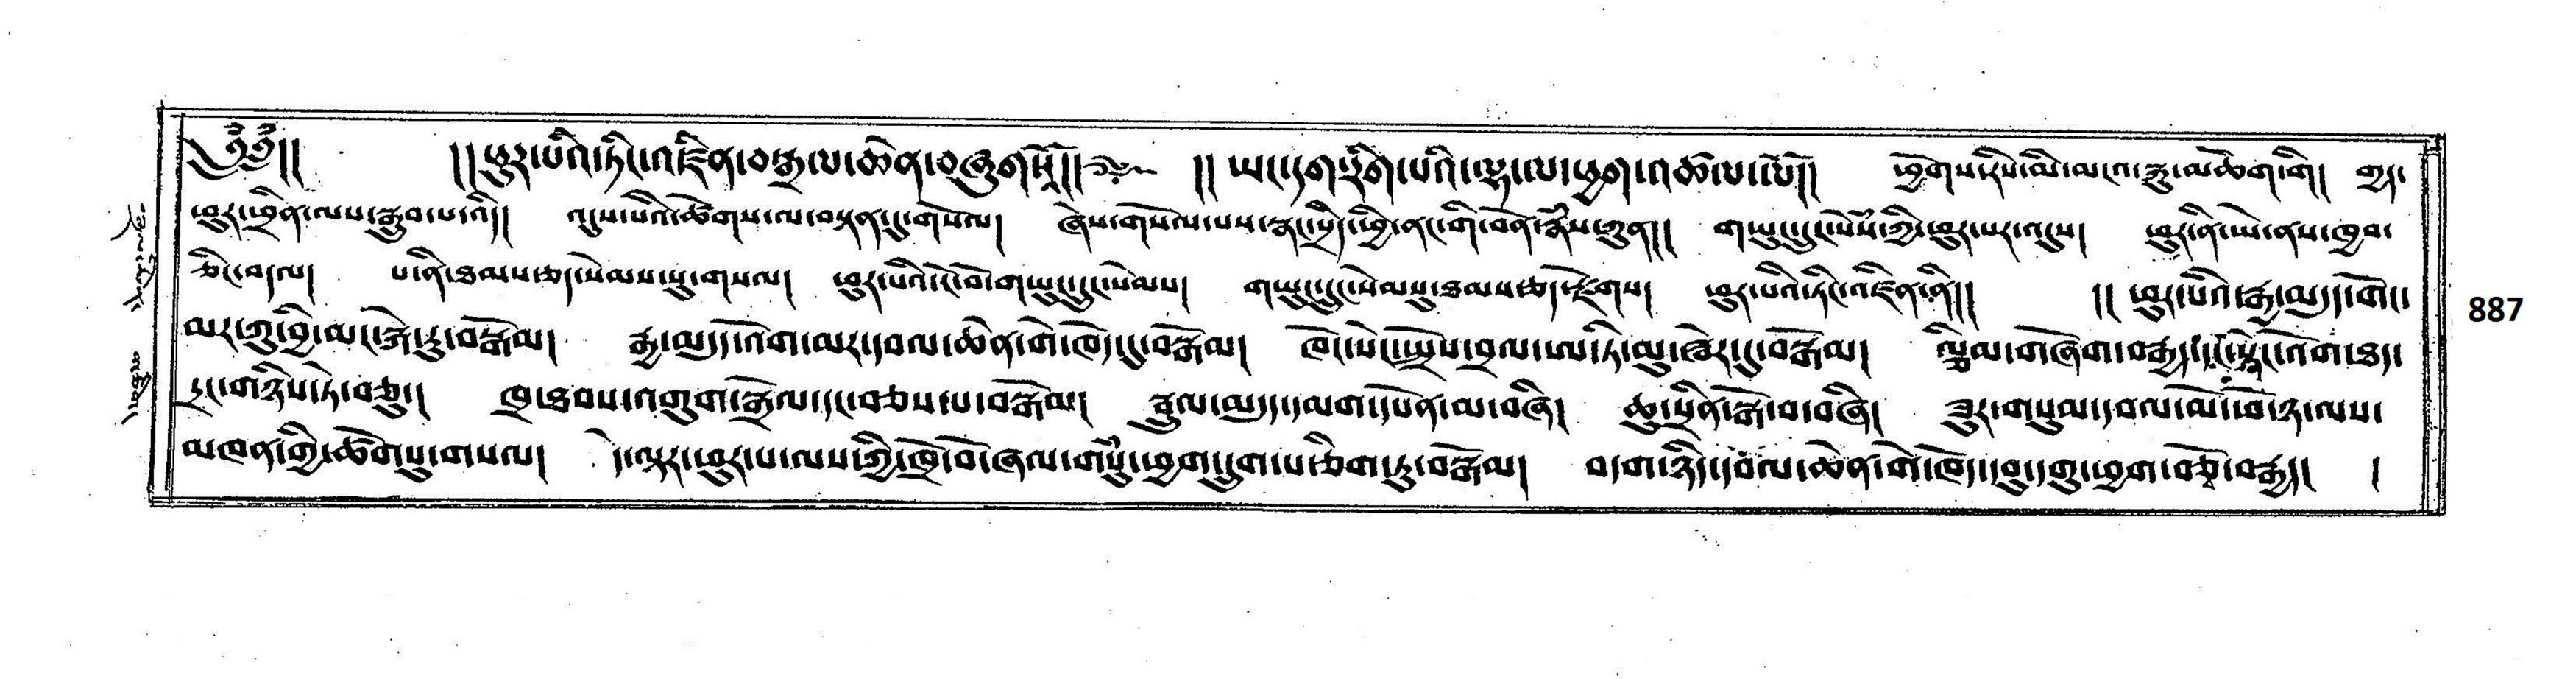{1143}༄༅།། །།ཕུར་པའི་ཏིང་འཛིན་བསྒྲལ་ཆེན་བཞུགས་སོ།༄༅༅།། །།ཡང་དག་རིག་པའི་ལྷ་ལ་ཕྱག་འཚལ་ལོ། ཕྱོགས་རིས་མི་མངའ་སྐུ་མཆོག་གི། གྱད་
ཕུར་ཕྲིན་ལས་སྒྲུབ་པ་འདི། འདུས་པའི་ཚོགས་ལ་བསྟན་དུ་གསོལ། ཞེས་གསོལ་པས་སྣང་སྲིད་ཕྱི་ནང་གི་བོན་རྣམས་ཀུན།། གཡུང་དྲུང་སེམས་ཀྱི་ཕུར་པར་འདུས། ཕུར་ནི་ཡེ་ནས་ཁྱབ་
ཅིང་བདལ། པ་ནི་ཐམས་ཅད་སེམས་སུ་གསལ། ཕུར་པའི་ངོ་བོ་གཡུང་དྲུང་སེམས། གཡུང་དྲུང་སེམས་སུ་ཐམས་ཅད་རྫོགས། ཕུར་པའི་ཏིང་འཛིན་ནི།། །།ཕུར་པའི་རྒྱ་མདུད་གོང་
མར་ཀུ་བྱི་མང་སྐེ་རུ་བསྒོམ།། རྒྱ་མདུད་འོག་མར་དབལ་ཆེན་གེ་ཁོད་དུ་བསྒོམ། ཁོང་སེང་སྤྲོས་བྲལ་ཨ་ཏི་མུ་ཝེར་དུ་བསྒོམ། ལྕིམ་གཞོག་བརྒྱད་དང་སྟེང་འོག་ཐད་
དྲང་གཉིས་ཏེ་བཅུ། ཁྲ་ཐབས་འགུག་སྒྲོལ་དང་བཅས་པ་བསྒོམ། སྦྲུལ་མདུད་དམག་དཔོན་མ་བཞི། ཆུ་སྲིན་སྒོ་བ་{1144}བཞི། ཟུར་གསུམ་དབལ་མོ་ཕོ་ཉ་ལས་
མཁན་གྱི་ཚོགས་སུ་གསལ། དེ་ལྟར་ཕུར་པ་ལས་ཀྱི་ཁྲོ་བོ་ཞལ་གསུམ་ཕྱག་དྲུག་པ་ཅིག་ཏུ་བསྒོམ། བདག་ཉིད་དབལ་ཆེན་གེ་ཁོད་དབུ་དགུ་ཕྱག་བཅོ་བརྒྱད།